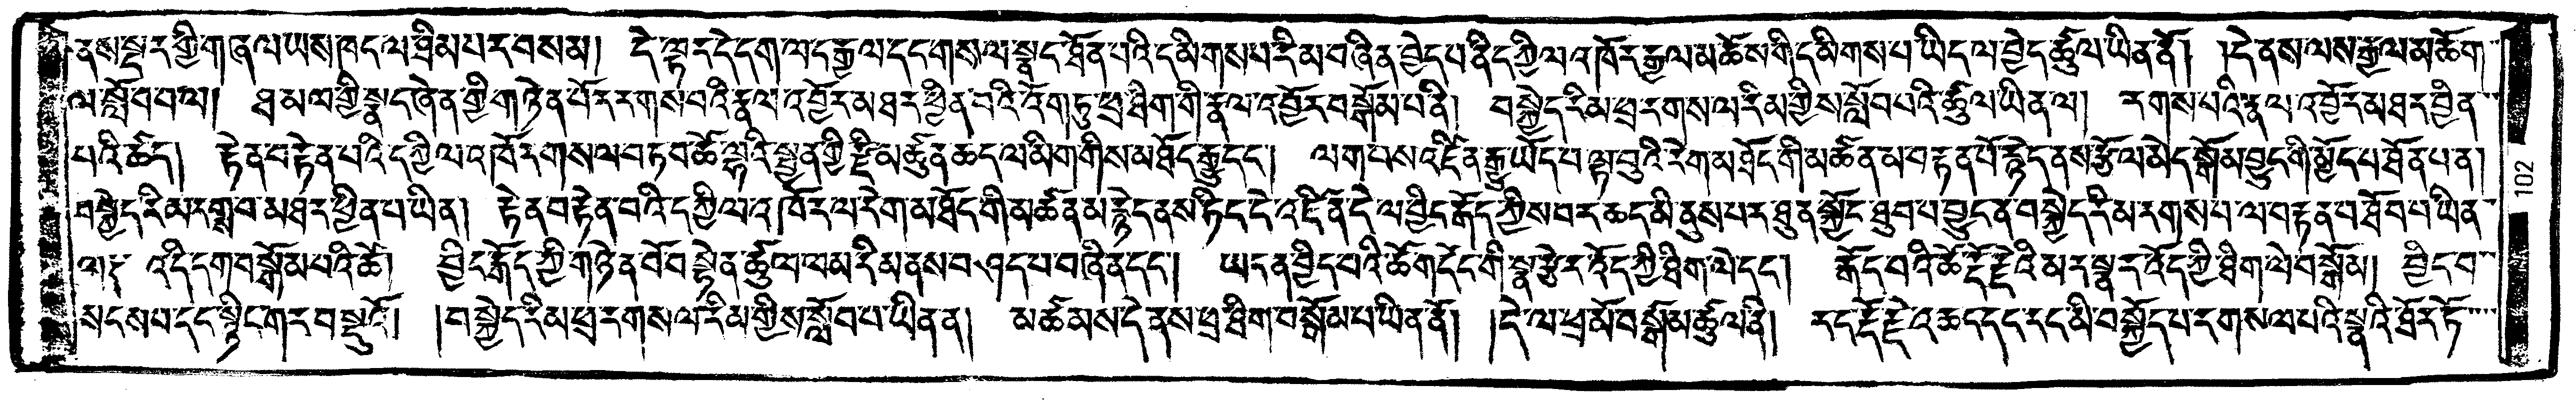ནས་སྔར་གྱི་གཞལ་ཡས་ཁང་ལ་ཐིམ་པར་བསམ། དེ་ལྟར་དེ་དག་ལ་ང་རྒྱལ་དང་གསལ་སྣང་ཐོན་པའི་དམིགས་པ་རིམ་བཞིན་བྱེད་པ་ནི་དཀྱིལ་འཁོར་རྒྱལ་མཆོག་གི་དམིགས་པ་ཡིད་ལ་བྱེད་ཚུལ་ཡིན་ནོ། །དེ་ནས་ལས་རྒྱལ་མཆོག་
ལ་སློབ་བ་ལ། ཐ་མལ་གྱི་སྣང་ཞེན་གྱི་གཉེན་པོར་རགས་པའི་རྣལ་འབྱོར་མཐར་ཕྱིན་པའི་འོག་ཏུ་ཕྲ་ཐིག་གི་རྣལ་འབྱོར་བསྒོམ་པ་ནི། བསྐྱེད་རིམ་ཕྲ་རགས་ལ་རིམ་གྱིས་སློབ་པའི་ཚུལ་ཡིན་ལ། རགས་པའི་རྣལ་འབྱོར་མཐར་བྱིན་
པའི་ཚད། རྟེན་བརྟེན་པའི་དཀྱིལ་འཁོར་གསལ་བཏབ་ཚེ་ལྷའི་སྤྱན་གྱི་རྫིམ་ཚུན་ཆད་ལ་མིག་གིས་མཐོང་རྒྱུ་དང་། ལག་པས་འཛིན་རྒྱུ་ཡོད་པ་ལྟ་བུའི་རེག་མཐོང་གི་མཚན་མ་བརྟན་པོ་རྙེད་ནས་རྩོལ་མེད་སྒོམ་བྱུང་གི་མྱོང་བ་ཐོན་པ་ན།
བསྐྱེད་རིམ་རགས་པ་མཐར་ཕྱིན་པ་ཡིན། རྟེན་བརྟེན་པའི་དཀྱིལ་འཁོར་ལ་རེག་མཐོང་གི་མཚན་མ་རྙེད་ནས་ཏིང་ངེ་འཛིན་དེ་ལ་བྱིང་རྒོད་ཀྱིས་བར་ཆད་མི་ནུས་པར་ཐུན་སྐྱོང་ཐུབ་པ་བྱུང་ན་བསྐྱེད་རིམ་རགས་པ་ལ་བརྟན་པ་ཐོབ་པ་ཡིན་
ལ༑ འདི་དག་བསྒོམ་པའི་ཚེ། བྱིང་རྒོད་ཀྱི་གཉེན་པོ་བསྟེན་ཚུལ་ལམ་རིམ་ནས་བཤད་པ་བཞིན་དང་། ཡང་ན་བྱིད་པའི་ཚེ་གདོང་གི་སྣ་རྩེར་འོད་ཀྱི་ཐིག་ལེ་དང་། རྒོད་བའི་ཚེ་རྡོ་རྗེའི་མར་སྣར་འོད་ཀྱི་ཐིག་ལེ་བསྒོམ། བྱིང་བ་
སངས་བ་དང་སྙིང་གར་བསྡུའོ། །བསྐྱེད་རིམ་ཕྲ་རགས་ལ་རིམ་གྱིས་སློབ་པ་ཡིན་ན། མཚམས་དེ་ནས་ཕྲ་ཐིག་བསྒོམ་པ་ཡིན་ནོ། །དེ་ལ་ཕྲ་མོ་བསྒོམ་ཚུལ་ནི། རང་རྡོ་རྗེ་འཆང་དང་རང་མི་བསྐྱོད་པར་གསལ་པའི་སྣའི་ཐོར་ཏོ་